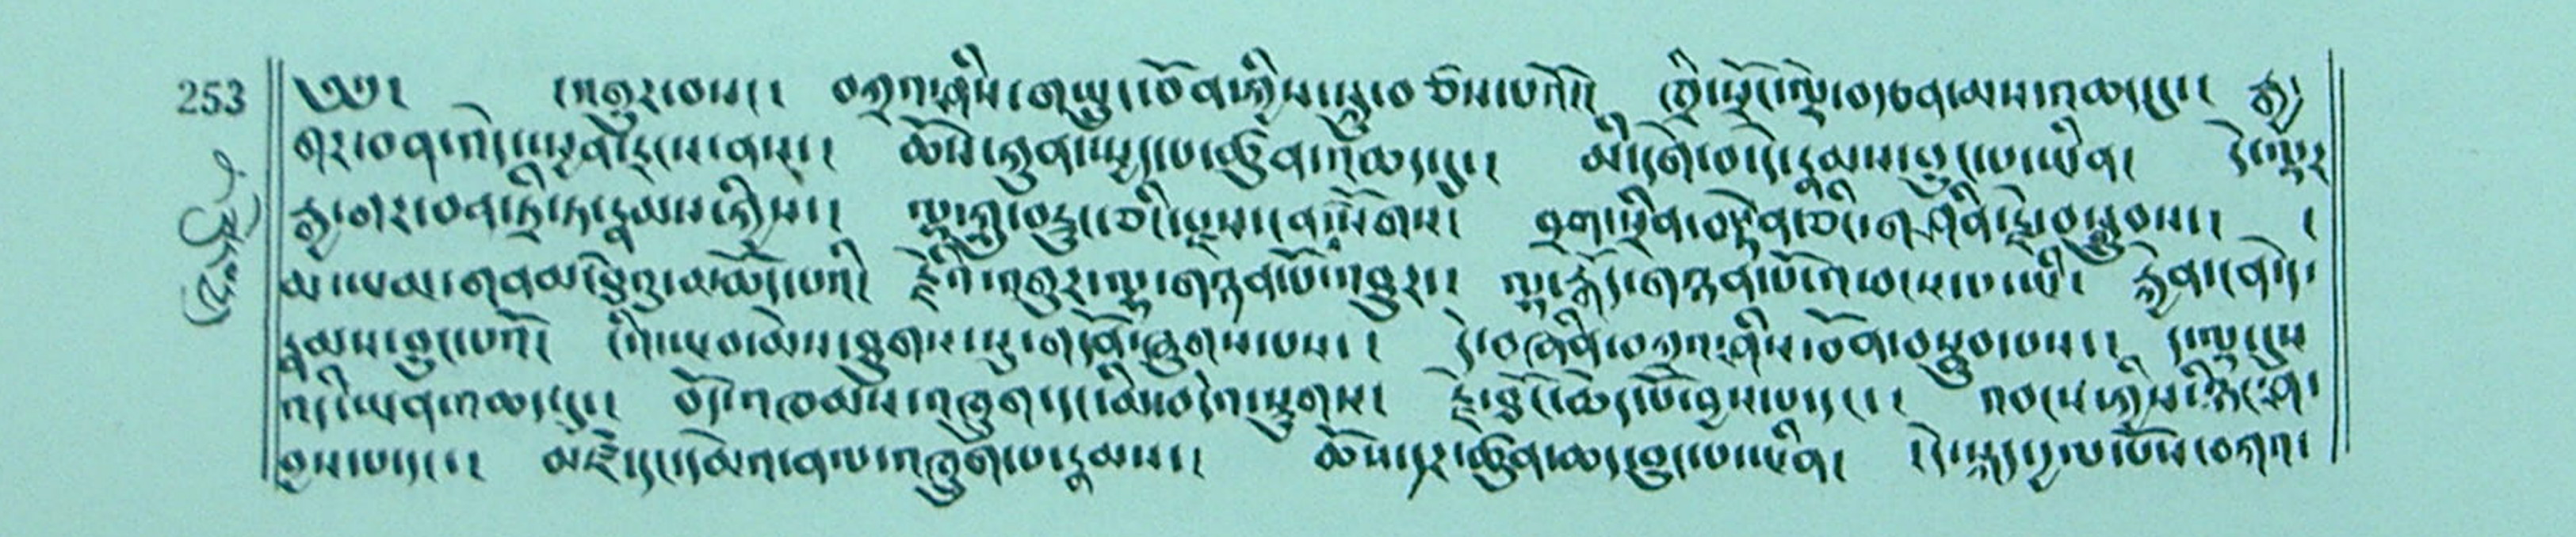༄༅། །འགྱུར་བས། བཀྲ་ཤིས་གཡུང་དྲུང་བོན་གྱིས་སྐུ་བཙས་པའོ། །ཁྲི་སྲོང་ལྡེ་བཙན་མས་ཆད་དུ། རྒྱ་
གར་བན་དྷེ་སྤྱན་དྲངས་ནས། ཆོས་ཀུན་སྤྱད་པ་ཚུན་ཆད་དུ། མི་དགེ་བ་དེ་རྣམས་བྱུང་བའོ། །དེ་ལྟར་
རྒྱ་གར་པན་ཏྲི་ཏ་རྣམས་ཀྱིས། ལྷ་ཀླུ་བརྡུང་ཅིང་རྫས་ངན་བསོགས། བྲག་སྲིན་བསྟེན་ཅིང་གཤིན་རྗེ་བསྒྲུབས། 
མ་ཡམ་གནམ་ཐེའུ་མཆོད་པའི། རྗེའི་མགུར་ལྷ་གཉན་པོ་འཐུར། ལྷ་རྒོད་གཉན་པོ་འཕངས་པ་ཡི། རྐྱེན་ངན་དེ་
རྣམས་དེ་བྱུང་བའོ། །ངའི་ཡབ་མྱེས་ཐུགས་སུ་གདོན་ཞུགས་པས། དེ་བཞིན་བཀྲ་ཤིས་བོན་བསྣུབས་པས། ད་ལྟ་དུས་
འདི་ཡན་ཆད་དུ། བོད་ཁམས་འཁྲུགས་དང་མི་བདེའ་སྡུགས། རྗེ་ཐོང་ཆེན་པོ་བྱས་པ་དང་། འབངས་ཀྱིས་ཉིང་ཤ་
བྱས་པ་དང་། མཛེ་དང་དམེ་ནལ་འཁྲུགས་པ་རྣམས། ཆོས་དར་ཚུན་ཆད་བྱུང་བ་ཡིན། དེ་སྐད་རྒྱལ་བོས་བཀའ་